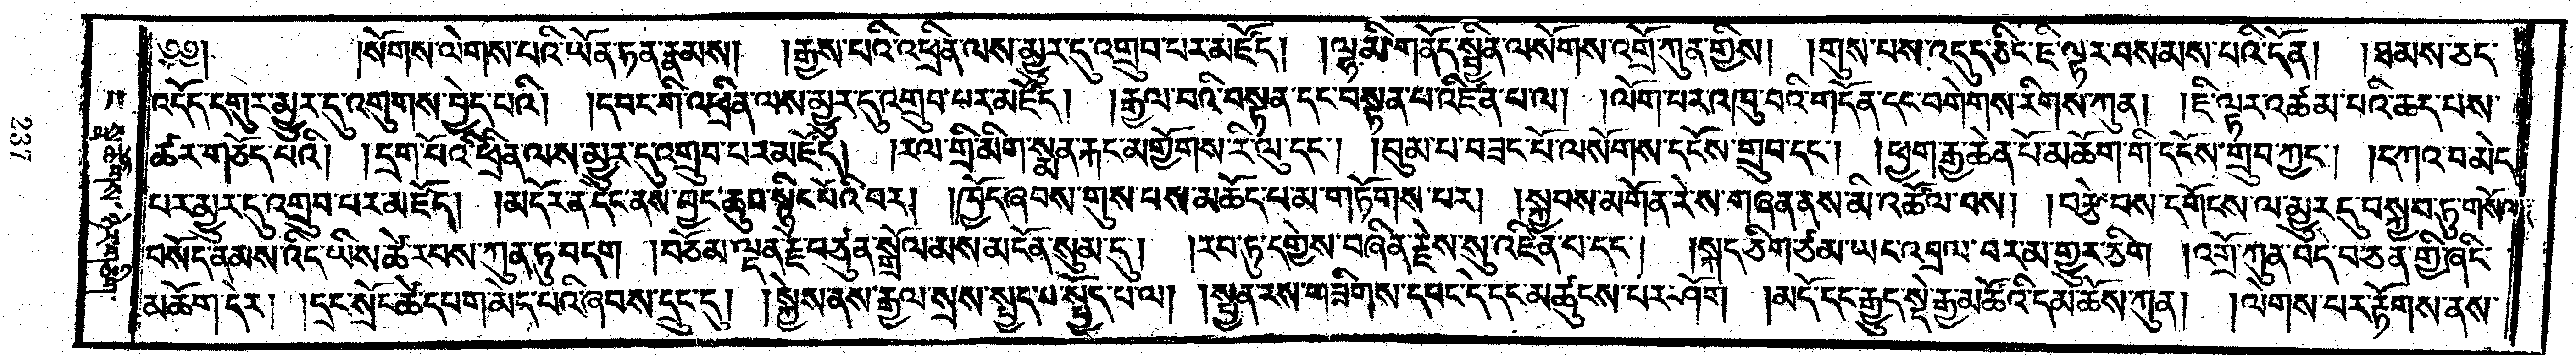༄༅། །སོགས་ལེགས་པའི་ཡོན་ཏན་རྣམས། །རྒྱས་པའི་འཕྲིན་ལས་མྱུར་དུ་འགྲུབ་པར་མཛོད། །ལྷ་མི་གནོད་སྦྱིན་ལ་སོགས་འགྲོ་ཀུན་གྱིས། །གུས་པས་འདུད་ཅིང་ཇི་ལྟར་བསམས་པའི་དོན། །ཐམས་ཅད་
འདོད་དགུར་མྱུར་དུ་འགུགས་བྱེད་པའི། །དབང་གི་འཕྲིན་ལས་མྱུར་དུ་འགྲུབ་པར་མཛོད། །རྒྱལ་བའི་བསྟན་དང་བསྟན་པ་འཛིན་པ་ལ། །ལོག་པར་འཁུ་བའི་གདོན་དང་བགེགས་རིགས་ཀུན། །ཇི་ལྟར་འཚམ་པའི་ཆད་པས་
ཚར་གཅོད་པའི། །དྲག་པོའི་ཕྲིན་ལས་མྱུར་དུ་འགྲུབ་པར་མཛོད། །རལ་གྲི་མིག་སྨན་རྐང་མགྱོགས་རི་ལུ་དང་། །བུམ་པ་བཟང་པོ་ལ་སོགས་དངོས་གྲུབ་དང་། །ཕྱག་རྒྱ་ཆེན་པོ་མཆོག་གི་དངོས་གྲུབ་ཀྱང་། །དཀའ་བ་མེད་
པར་མྱུར་དུ་འགྲུབ་པར་མཛོད། །མདོར་ན་དེང་ནས་བྱང་ཆུབ་སྙིང་པོའི་བར། །ཁྱོད་ཞབས་གུས་པས་མཆོད་པ་མ་གཏོགས་པར། །སྐྱབས་མགོན་རེ་ས་གཞན་ནས་མི་འཚོལ་བས། །བརྩེ་བས་དགོངས་ལ་མྱུར་དུ་བསྐྱབ་ཏུ་གསོལ་
བསོད་ནམས་འདི་ཡིས་ཚེ་རབས་ཀུན་ཏུ་བདག །བཅོམ་ལྡན་རྗེ་བཙུན་སྒྲོལ་མས་མངོན་སུམ་དུ། །རབ་ཏུ་དགྱེས་བཞིན་རྗེས་སུ་འཛིན་པ་དང་། །སྐད་ཅིག་ཙམ་ཡང་འབྲལ་བར་མ་གྱུར་ཅིག །འགྲོ་ཀུན་བདེ་བ་ཅན་གྱི་ཞིང་
མཆོག་དེར། །དྲང་སྲོང་ཚེ་དཔག་མེད་པའི་ཞབས་དྲུང་དུ། །སྐྱེས་ནས་རྒྱལ་སྲས་སྤྱད་པ་སྤྱོད་པ་ལ། །སྤྱན་རས་གཟིགས་དབང་དེ་དང་མཚུངས་པར་ཤོག །མདོ་དང་རྒྱུད་སྡེ་རྒྱ་མཚོའི་དམ་ཆོས་ཀུན། །ལེགས་པར་རྟོགས་ནས་